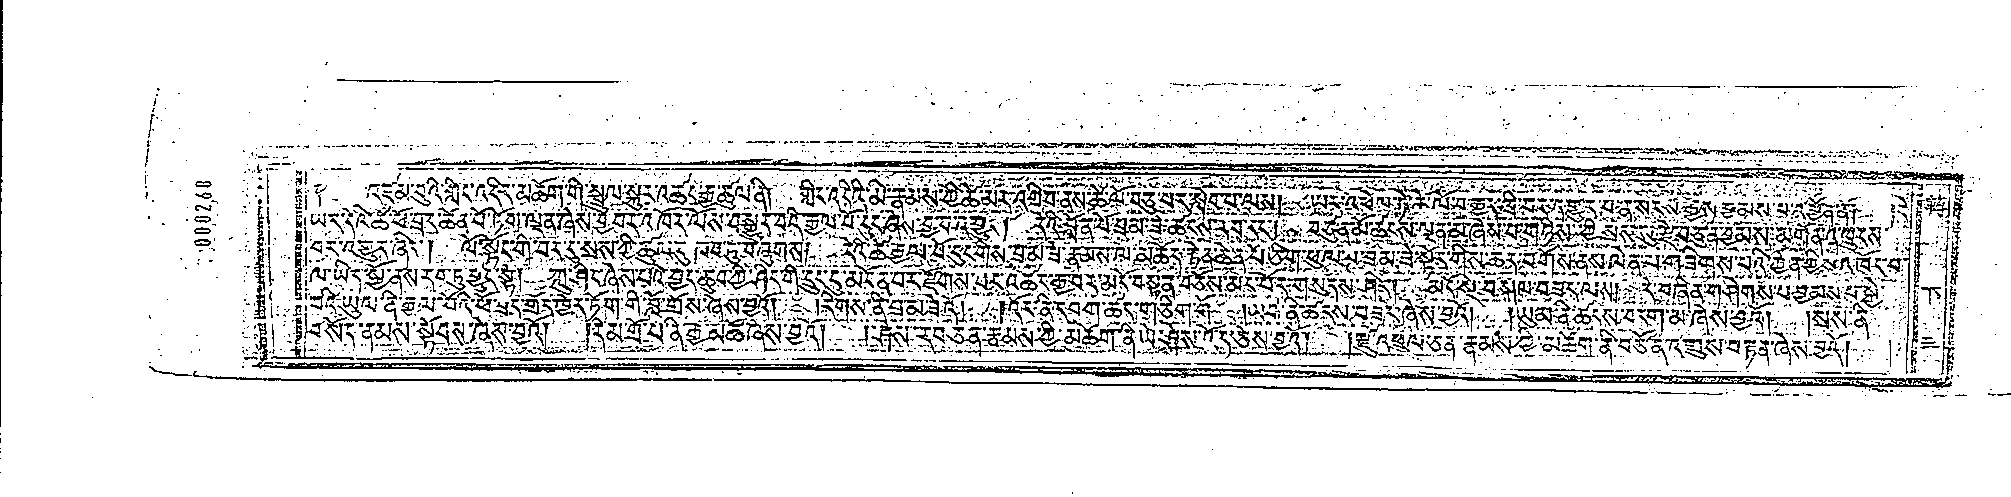༈ འཛམ་བུའི་གླིང་འདིར་མཆོག་གི་སྦྲུལ་སྐུར་འཚང་རྒྱ་ཚུལ་ནི། གླིང་འདིའི་མི་རྣམས་ཀྱི་ཚེ་མར་འགྲིབ་ནས་ཚེ་ལོ་བཅུ་པར་སླེབ་པ་ལས། ཡར་འཕེལ་ཏེ་ཚོ་ལོ་བརྒྱད་ཁྲི་བར་འགྱུར་པ་ན་སངས་རྒྱས་བྱམས་པ་འབྱོན་ནོ༑ །དེ་
ཡང་དེའི་ཚེ་ཕོ་བྲང་ཆེན་པོ་ཏོག་ལྡན་ཞེས་བྱ་བར་འཁོར་ལོས་བསྒྱུར་བའི་རྒྱལ་པོ་དུང་ཞེས་བྱ་བ་འབྱུང་། དེའི་བློན་པོ་བྲམ་ཟེ་ཚངས་རབ་དང་། བཙུན་མོ་ཚངས་ལྡན་མ་ཞེས་པ་གཉིས་ཀྱི་སྲས་སུ་རྫེ་བཙུན་བྱམས་མགོན་འཁྲུངས་
བར་འགྱུར་ཞིང་། ལོ་སྟོང་གི་བར་དུ་སྲས་ཀྱི་ཚུལ་དུ་ཁབ་ཏུ་བཞུགས། དེའི་ཚེ་རྒྱལ་པོ་དུང་གིས་བྲམ་ཟེ་རྣམས་ལ་མཆོད་རྟེན་ཆེན་པོ་ཅིག་ཕུལ་བ་བྲམ་ཟེ་སྟོད་གིས་ཆར་བགོས་ནས་ལེན་པ་གཟིགས་པའི་རྐྱེན་གྱིས་འཁོར་བ་
ལ་ཡིད་སྐྱོ་ནས་རབ་ཏུ་བྱུང་སྟེ། ཀླུ་ཤིང་ཞེས་པའི་བྱང་ཆུབ་ཀྱི་ཤིང་གི་དྲུང་དུ་མངོན་པར་རྫོགས་པར་འཚང་རྒྱ་བར་མདོ་བསྟན་བཅོས་མང་པོར་གསུངས་ཤིང་། མདོ་སྡེ་བསྐལ་བཟང་ལས། དེ་བཞིན་གཤེགས་པ་བྱམས་པ་སྐྱེ་
བའི་ཡུལ་ནི་རྒྱལ་པོའི་ཕོ་བྲང་གྲོང་ཁྱེར་ཏོག་གི་བློ་གྲོས་ཞེས་བྱའོ། །རིགས་ནི་བྲམ་ཟེའོ། །འོང་ནི་དཔག་ཚད་གཅིག་གོ །ཡབ་ནི་ཚངས་པ་ཟང་ཞེས་བྱའོ། །ཡུམ་ནི་ཚངས་བདག་མ་ཞེས་བྱའོ། །སྲས་ནི་
བསོད་ནམས་སྟོབས་ཞེས་བྱའོ། །རིམ་གྲོ་པ་ནི་རྒྱ་མཚོ་ཞེས་བྱའོ། །ཤེས་རབ་ཅན་རྣམས་ཀྱི་མཆོག་ནི་ཡེ་ཤེས་འོད་ཅེས་བྱའོ། །རྫུ་འཕྲུལ་ཅན་རྣམས་ཀྱི་མཆོག་ནི་བརྩོན་འགྲུས་བརྟན་ཞེས་བྱའོ། །